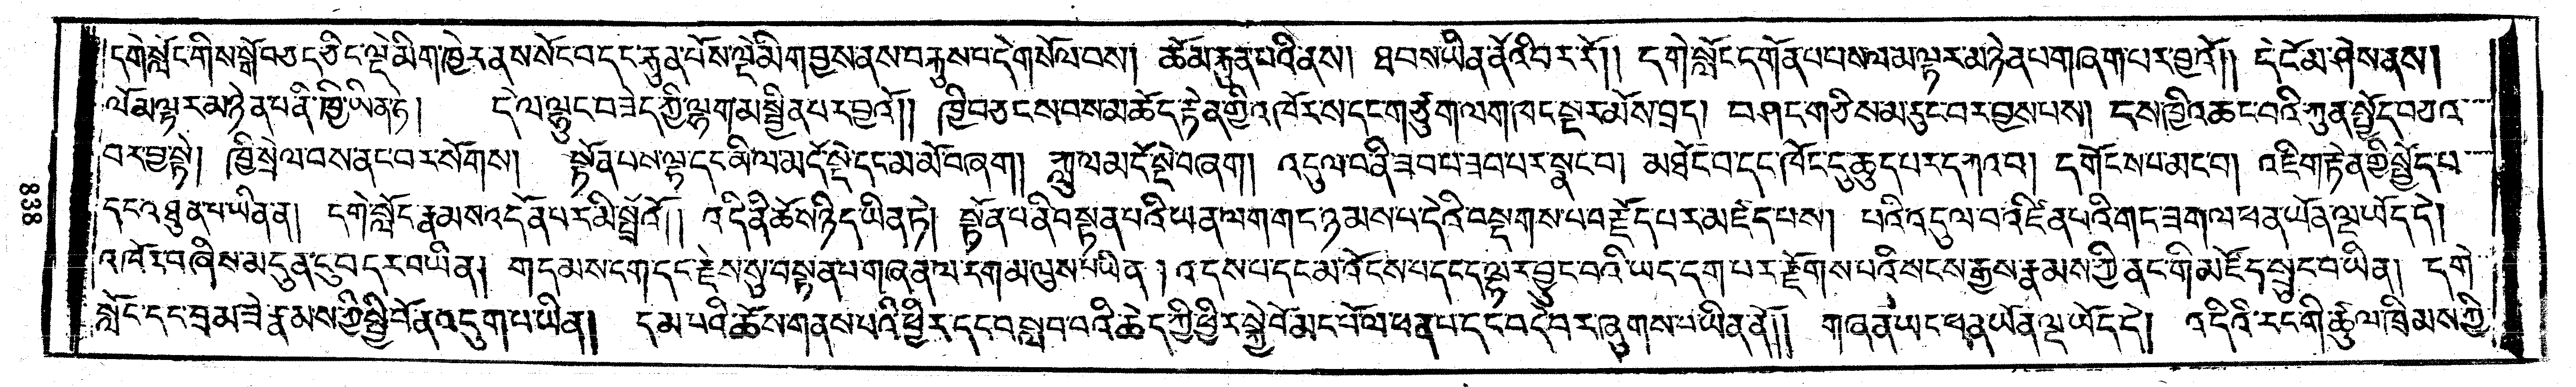དགེ་སློང་གིས་སྒོ་བཅད་ཅིང་ལྡེ་མིག་ཁྱེར་ནས་སོང་བ་དང་རྐུན་པོས་ལྡེ་མིག་བྱས་ནས་བརྐུས་པ་དེ་གསོལ་བས། ཆོམ་རྐུན་པའི་ནས། ཐབས་ཡིན་ནོའི་བར་རོ།། དགེ་སློང་དགོན་པ་བསལ་མ་ལྟར་མཉེན་པ་གཞག་པར་བྱའོ།། དེ་ངོ་མ་ཤེས་ནས།
ལོམ་ལྟར་མཉེན་པ་ནི་ཁྱི་ཡིན་ཏེ། དེ་ལ་ལྷུང་བཟེད་ཀྱི་ལྷག་མ་སྦྱིན་པར་བྱའོ།། ཁྱི་བཅངས་བས་མཆོད་རྟེན་གྱི་འཁོར་ས་དང་གཙུག་ལག་ཁང་སྔར་མོས་བྲད། བཤད་གཅིས་མ་རུང་བར་བྱས་པས། ངས་ཁྱི་འཆང་བའི་ཀུན་སྤྱོད་བཅའ་
བར་བྱ་སྟེ། ཁྱི་སྲེལ་བས་ནང་བར་སོགས། སྟོན་པས་ལྷ་དང་མི་ལ་མདོ་སྡེ་དང་མ་མོ་བཞག། ཀླུ་ལ་མདོ་སྡེ་བཞག། འདུལ་བ་ནི་ཟབ་པ་ཟབ་པར་སྣང་བ། མཐོང་བ་དང་ཁོང་དུ་ཆུད་པར་དཀའ་བ། དགོངས་པ་མང་བ། འཇིག་རྟེན་གྱི་སྤྱོད་པ་
དང་འཐུན་པ་ཡིན་ན། དགེ་སློང་རྣམས་འདོན་པར་མི་སྤྲོའོ།། འདི་ནི་ཆོས་ཉིད་ཡིན་ཏེ། སྟོན་པ་ནི་བསྟན་པའི་ཡན་ལག་གང་ཉམས་པ་དེའི་བསྔགས་པ་བརྗོད་པར་མཛད་པས། པའི་འདུལ་བ་འཛིན་པའི་གང་ཟག་ལ་ཕན་ཡོན་ལྔ་ཡོད་དེ།
འཁོར་བཞིས་མདུན་དུ་བདར་བ་ཡིན། གདམས་ངག་དང་རྗེས་སུ་བསྟན་པ་གཞན་ལ་རག་མ་ལུས་པ་ཡིན། འདས་པ་དང་མ་འོངས་པ་དང་ད་ལྷར་བྱུང་བའི་ཡང་དག་པར་རྫོགས་པའི་སངས་རྒྱས་རྣམས་ཀྱི་ནང་གི་མཛོད་སྲུང་བ་ཡིན། དགེ་
སློང་དང་བྲམ་ཟེ་རྣམས་ཀྱི་སྤྱི་བོ་ན་འདུག་པ་ཡིན། དམ་པའི་ཆོས་གནས་པའི་ཕྱིར་དང་བསླབ་པའི་ཆེད་ཀྱི་ཕྱིར་སྐྱེ་བོ་མང་པོ་ལ་ཕན་པ་དང་བདེ་བར་ཞུགས་པ་ཡིན་ནོ།། གཞན་ཡང་ཕན་ཡོན་ལྔ་ཡོད་དེ། འདིའི་རང་གི་ཚུལ་ཁྲིམས་ཀྱི་